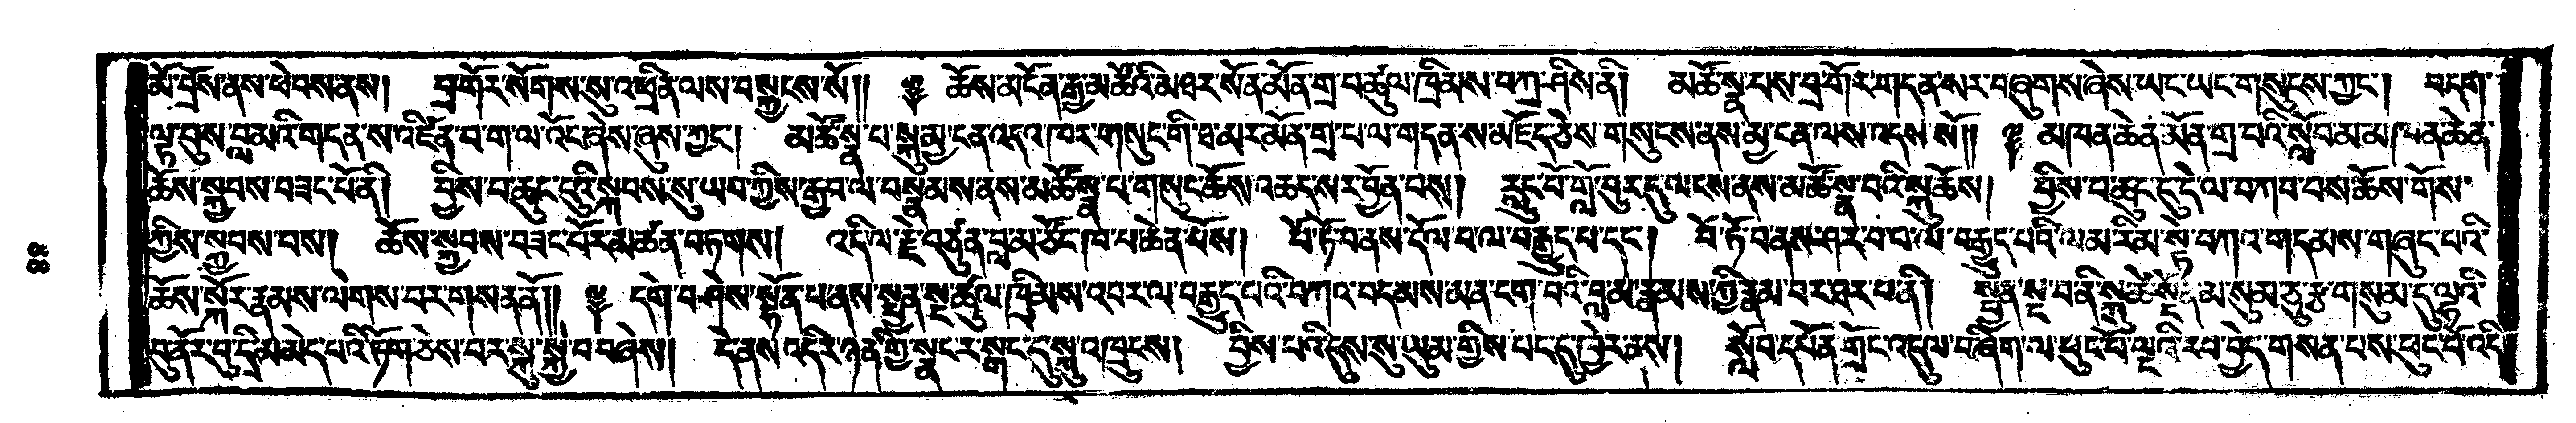མོ་བྲོས་ནས་ཕེབས་ནས། བྲ་གོར་སོགས་སུ་འཕྲིན་ལས་བསྐྱངས་སོ།། ༈ ཆོས་མངོན་རྒྱ་མཚོའི་མཐར་སོན་མོན་གྲ་པ་ཚུལ་ཁྲིམས་བཀྲ་ཤིས་ནི། མཚོ་སྣ་པས་བྲ་གོར་གདན་སར་བཞུགས་ཞེས་ཡང་ཡང་གསུངས་ཀྱང་། བདག་
ལྟ་བུས་བླ་མའི་གདན་ས་འཛིན་བ་ག་ལ་འོང་ཞེས་ཞུས་ཀྱང་། མཚོ་སྣ་པ་སྐུ་མྱ་ངན་འདའ་ཁར་གསུང་གི་ཐ་མར་མོན་གྲ་པ་ལ་གདན་ས་མཛོད་ཅེས་གསུངས་ནས་མྱ་ངན་ལས་འདས་སོ།། ༈ མཁན་ཆེན་མོན་གྲ་བའི་སློབ་མ་མཁན་ཆེན་
ཆོས་སྐྱབས་བཟང་པོ་ནི། བྱིས་པ་ཆུང་དུའི་སྐབས་སུ་ཡབ་ཀྱིས་རྒྱབ་ལ་བསྣམས་ནས་མཚོ་སྣ་པ་གསུང་ཆོས་འཆད་སར་བྱོན་བས། རླུང་པོ་གློ་བུར་དུ་ལངས་ནས་མཚོ་སྣ་བའི་སྐུ་ཆོས། བྱིས་བ་ཆུང་ངུ་དེ་ལ་བཀབ་བས་ཆོས་གོས་
ཀྱིས་སྐྱབས་བས། ཆོས་སྐྱབས་བཟང་པོར་མཚན་བཏགས། འདི་ལ་རྗེ་བཙུན་བླ་མ་ཙོང་ཁ་པ་ཆེན་པོས། པོ་ཏོ་བ་ནས་དོལ་བ་ལ་བརྒྱུད་པ་དང་། བོ་ཏོ་བ་ནས་ཤར་བ་བ་ལ་བརྒྱུད་པའི་ལམ་རིམ་སྟེ་བཀའ་གདམས་གཞུང་བའི་
ཆོས་སྐོར་རྣམས་ལེགས་པར་གསན་ནོ།། ༈ དགེ་བཤེས་སྟོན་པ་ནས་སྤྱན་སྔ་ཚུལ་ཁྲིམས་འབར་ལ་བརྒྱུད་པའི་བཀའ་བདམས་མན་ངག་བའི་བླ་མ་རྣམས་ཀྱི་རྣམ་བར་ཐར་པ་ནི། སྤྱན་སྔ་བ་ནི་སྐུ་ཚེ་སྔོན་མ་སུམ་ཅུ་རྩ་གསུམ་དུ་ལྷའི་
བུ་ནོར་བུ་དྲི་མ་མེད་པའི་ཏོག་ཅེས་བར་སྐུ་སྐྱེ་བ་བཞེས། དེ་ནས་འདིར་ཉན་གྱི་སྣང་ར་སྒང་དུ་སྐུ་འཁྲུངས། བྱིས་པའི་དུས་སུ་ཡུམ་གྱིས་པང་དུ་ཁྱེར་ནས། སློབ་དཔོན་གྲོང་འདུལ་བ་ཞིག་ལ་ཕུང་པོ་ལྔའི་བར་བྱེད་གསན་པས་ཕུང་པོ་འདི་